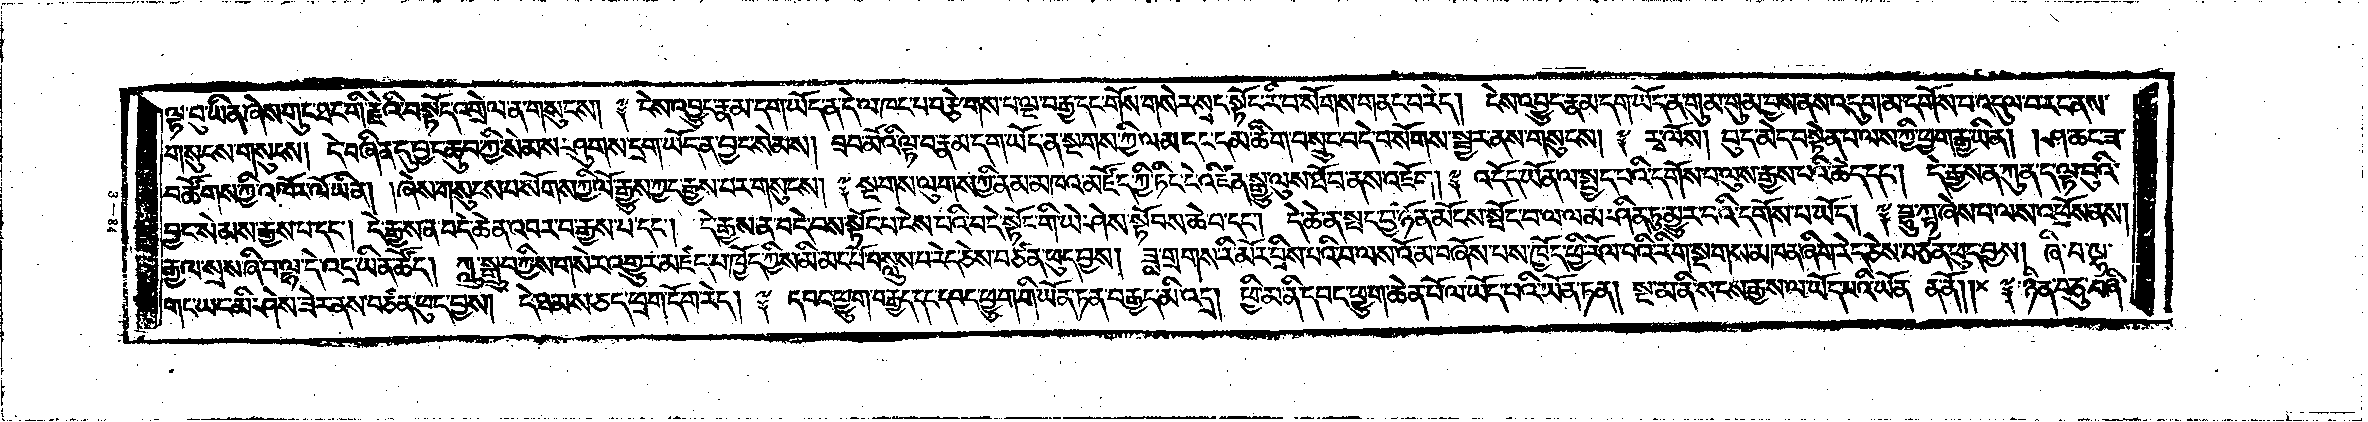ལྟ་བུ་ཡིན་ཞེས་གུང་ཐང་གི་རྗེའི་བསྟོད་འགྲེལ་ན་གསུངས། ༈ ངེས་འབྱུང་རྣམ་དག་ཡོད་ན་དེ་ལ་ཁང་པ་བརྩེགས་པ་ལྔ་བརྒྱ་དང་གོས་གསེར་སྲང་སྟོང་རི་བ་སོགས་གནང་བ་རེད། ངེས་འབྱུང་རྣམ་དག་ཡོད་ན་གུམ་གུམ་བྱས་ནས་འདུག་མ་དགོས་པ་འདུལ་བ་རང་ནས་
གསུངས་གསུངས། དེ་བཞིན་དུ་བྱང་ཆུབ་ཀྱི་སེམས་ཤུགས་དྲག་ཡོད་ན་བྱང་སེམས། ཟབ་མོའི་ལྟ་བ་རྣམ་དག་ཡོད་ན་སྔགས་ཀྱི་ལམ་དང་དམ་ཚིག་བསྲུང་བདེ་བ་སོགས་སྦྱར་ནས་གསུངས། ༈ རྭ་ལོས། བུད་མེད་བསྟེན་པ་ལས་ཀྱི་ཕྱག་རྒྱ་ཡིན། །ཤ་ཆང་ཟ་
བ་ཚོགས་ཀྱི་འཁོར་ལོ་ཡིན། །ཞེས་གསུངས་པ་སོགས་ཀྱི་ལོ་རྒྱུས་ཀྱང་རྒྱས་པར་གསུངས། ༈ སྔགས་ལུགས་ཀྱི་ནམ་མཁའ་མཛོད་ཀྱི་ཏིང་ངེ་འཛིན་སྒྱུ་ལུས་ཐོབ་ནས་འཇོག། ༈ འདོད་ཡོན་ལ་སྤྱད་པའི་དགོས་པ་ལུས་རྒྱས་པའི་ཆེད་དང་། དེ་རྒྱས་ན་ཀུན་ད་ལྟ་བུའི་
བྱང་སེམས་རྒྱས་པ་དང་། དེ་རྒྱས་ན་བདེ་ཆེན་འབར་བ་རྒྱས་པ་དང་། དེ་རྒྱས་ན་བདེ་བས་སྟོང་པ་ངེས་པའི་བདེ་སྟོང་གི་ཡེ་ཤེས་སྟོབས་ཆེ་བ་དང་། དེ་ཆེ་ན་སྤང་བྱ་ཉོན་མོངས་སྤོང་བ་ལ་ལམ་ཤིན་ཏུ་མྱུར་བའི་དགོས་པ་ཡོད། ༈ བྷུ་ཀྟ་ཞེས་པ་ལས་འཕྲོས་ནས།
རྒྱལ་སྲས་ཞི་བ་ལྷ་དེ་འདྲ་ཡིན་ཚོད། ཀླུ་སྒྲུབ་ཀྱིས་གསེར་འགྱུར་མཛད་པ་ཁྱོད་ཀྱིས་མི་མང་པོ་བསླུས་པ་རེད་ཅེས་བཙན་ཕུད་བྱས། ཟླ་གྲགས་རི་མོར་བྲིས་པའི་བ་ལས་འོ་མ་བཞོས་པས་ཁྱོད་ཕྱི་རོལ་བའི་རིག་སྔགས་མཁན་ཞིག་རེད་ཅེས་བཙན་ཕུད་བྱས། ཞི་བ་ལྷ་
གང་ཡང་མི་ཤེས་ཟེར་ནས་བཙན་ཕུད་བྱས། དེ་ཐམས་ཅད་ཕྲག་དོག་རེད། ༈ དབང་ཕྱུག་བརྒྱད་དང་དབང་ཕྱུག་གི་ཡོན་ཏན་བརྒྱད་མི་འདྲ། ཕྱི་མ་ནི་དབང་ཕྱུག་ཆེན་པོ་ལ་ཡོད་པའི་ཡོན་ཏན། སྔ་མ་ནི་སངས་རྒྱས་ལ་ཡོད་པའི་ཡོན་ན་ནོ། །྾་༈ ཉིན་བཅུ་བཞི་